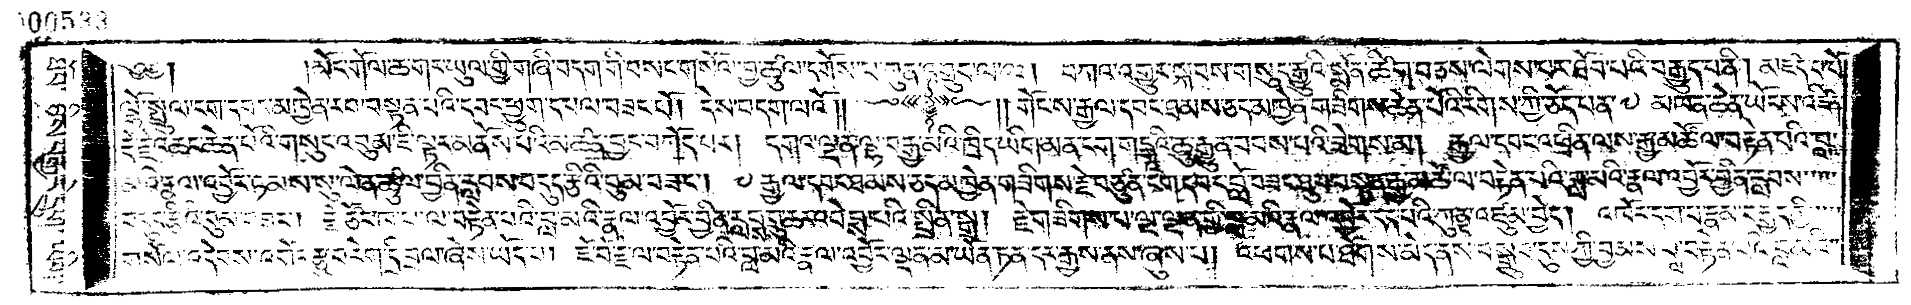༄༅། །མོང་གོལ་ཆ་གར་ཡུལ་གྱི་གཞི་བདག་གི་བསང་གསོལ་བྱ་ཚུལ་དགོས་པ་ཀུན་འགྲུབ་ལ ༣། བཀའ་འགྱུར་སྐབས་གསུང་རྒྱུའི་སྨོན་ཚིག་བཅས་ལེགས་པར་ཐོབ་པའི་བརྒྱུད་པ་ནི། མཛད་པ་པོ་
ལྷོ་སྤྲུལ་ངག་དབང་མཁྱེན་རབ་བསྟན་པའི་དབང་ཕྱུག་དཔལ་བཟང་པོ། དེས་བདག་ལའོ།། ༈ །།གོང་ས་རྒྱལ་དབང་ཐམས་ཅད་མཁྱེན་གཟིགས་ཆེན་པོའི་རིགས་ཀྱི་ཅོད་པན ༧་མཁན་ཆེན་ཡོངས་འཛིན་
རྡོ་རྗེ་འཆང་ཆེན་པོའི་གསུང་འབུམ་ཇི་ལྟར་མནོས་པའི་མཚན་བྱང་བཀོད་པར། དགའ་ལྡན་ལྷ་བརྒྱ་མའི་ཁྲིད་ཡིག་མན་ངག་གངྒཱའི་ཆུ་རྒྱུན་བབས་པའི་ཟེགས་མ། རྒྱལ་དབང་འཕྲིན་ལས་རྒྱ་མཚོ་ལ་བརྟེན་པའི་བླ་
མའི་རྣལ་འབྱོར་ཉམས་སུ་ལེན་ཚུལ་བྱིན་རླབས་བདུད་རྩིའི་བུམ་བཟང་། ༧་རྒྱལ་དབང་ཐམས་ཅད་མཁྱེན་གཟིགས་རྗེ་བཙུན་ངག་དབང་བློ་བཟང་ཐུབ་བསྟན་རྒྱ་མཚོ་ལ་བརྟེན་པའི་བླ་མའི་རྣལ་འབྱོར་བྱིན་རླབས་
བདུད་རྩིའི་བུམ་བཟང་། རྗེ་ཙོང་ཁ་པ་ལ་བརྟེན་པའི་བླ་མའི་རྣལ་འབྱོར་བྱིན་རླབས་གྲུ་ཆར་འབེབས་པའི་སྤྲིན་སྒྲ། རྗེ་གཟིགས་པ་ལྔ་ལྡན་གྱི་བླ་མའི་རྣལ་འབྱོར་དད་པའི་ཀུནྡ་འཛུམ་བྱེད། འཁོར་དག་པ་རྣམ་བརྒྱད་ཀྱི་
གསོལ་འདེབས་འགོར་རྩུབ་རེག་དྲི་བྲལ་ཞེས་ཡོད་པ། ཇོ་བོ་རྗེ་ལ་བརྟེན་པའི་བླ་མའི་རྣལ་འབྱོར་ལྡན་མ་ཡོན་ཏན་དར་རྒྱས་ནས་ཞུས་པ། འཕགས་པ་ཐོགས་མེད་ནས་བསྒྲུབ་དུས་ཀྱི་བྱམས་པ་ལ་བརྟེན་པའི་བླ་མའི་